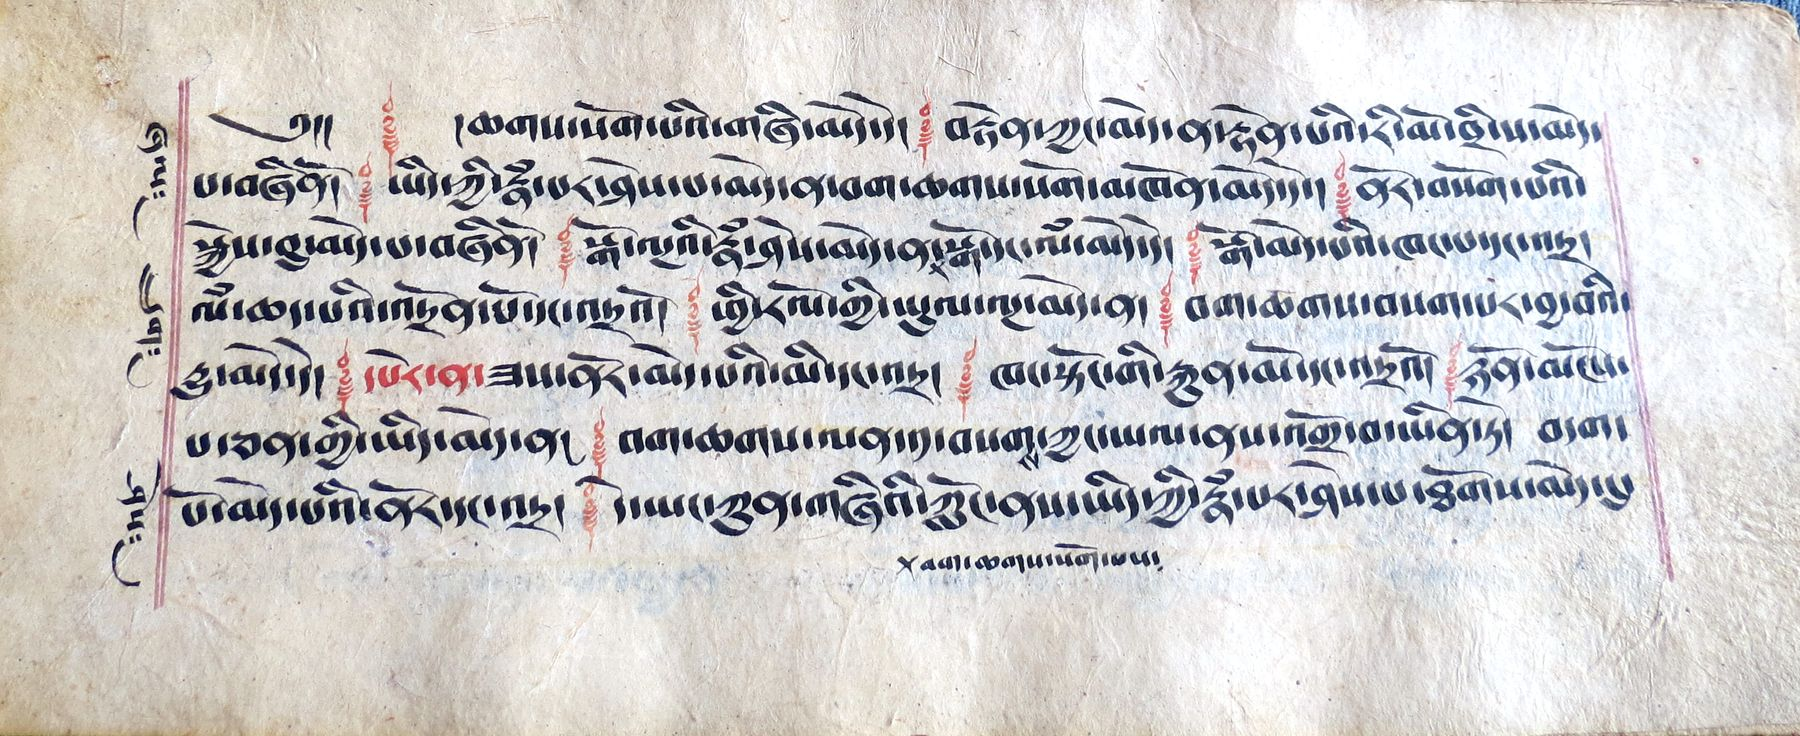ཆགས་སོགས་པའི་གཞི་མེད་དེ། རྟེན་ས་ཡང་མེད་ན་བརྟེན་པའི་རི་མོ་བྲིས་ས་མེད་
པ་བཞིན་ནོ། ། ཡིད་ཀྱི་རྣམ་པར་ཤེས་པ་མེད་ན་བག་ཆགས་སོག་མཁན་མེད་དེ། ནོར་སོག་པའི་
སྐྱེས་བུ་མེད་པ་བཞིན་ནོ། ། སྒོ་ལྔའི་རྣམ་ཤེས་མེད་ན་ན་སྒོ་དང་ལམ་མེད་དེ། སྒོ་མེད་པའི་ཁང་པ་དང་འཏྲ།
ལམ་ཆད་པའི་མགྲོན་པོ་དང་འདྲ། ཕྱི་རོལ་གྱི་ཡུལ་ལྔ་མེད་ན། བག་ཆགས་གསོག་པའི་བྱ་བའི་
རྒྱུ་མེད་དེ། དཔེར་ན་ཟས་ནོར་མེད་པའི་མི་དང་འདྲ། ཁང་སྟོང་གི་རྐུན་མོ་དང་འདྲ། ཉོན་མོངས་
པ་ཅན་གྱི་ཡིད་མེད་ན། བག་ཆགས་ལན་གཅིག་བསགས་ཀྱང་ཡལ་ནས་འགྲོ་བ་ཡིན་ཏེ། བདག་
པོ་མེད་པའི་ནོར་དང་འདྲ། དེ་ཡང་ཀུན་གཞིའི་ཀློང་ནས་ཡིད་ཀྱི་རྣམ་པར་ཤེས་པ་ཐོག་མེད་དུ་